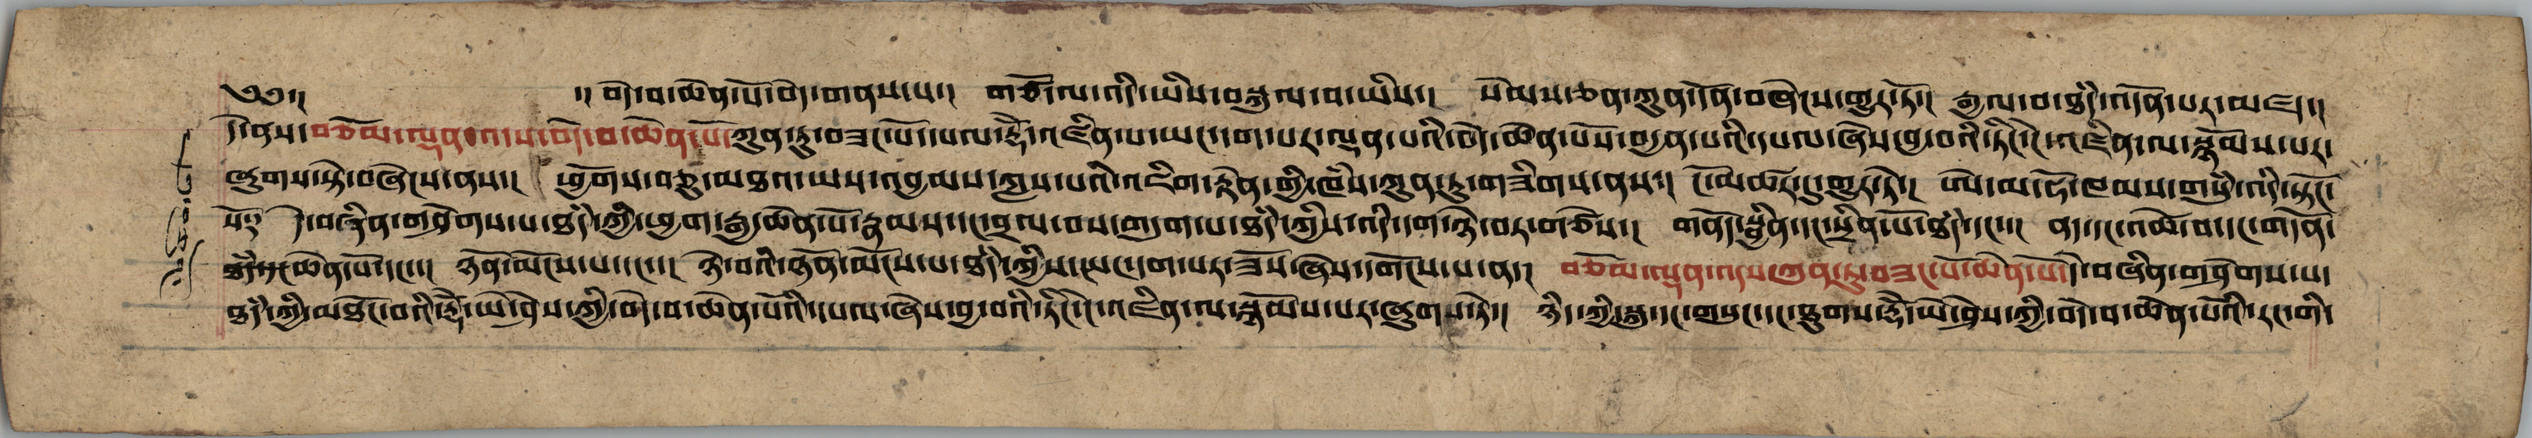༄༅་། ་།བདེ་བ་ཆེན་པོ་བདེ་གནས་པ་། གཙོ་ལ་འདི་ཡིས་བསྐུལ་བ་ཡིས་། སེམས་ཅན་ཀུན་དོན་བཞེངས་གྱུར་ཏོ་། རྒྱལ་བ་ཐདཾ་འདོན་པར་མཛད་།
དེ་ནས་བཅོམ་ལྡན་འདས་བདེ་བ་ཆེན་པོ་ཀུན་ཏུ་བཟང་པོ་དཔལ་རྡོེ་འཛིན་པ་ཡང་དག་པར་ལྡན་པའི་བདེ་ཆེན་པོས་བདྱན་པའི་དཔལ་ཞེས་བྱ་བའི་ཏིང་ངེ་འཛིན་ལ་སྙོམས་པར་
ཞུགས་སྟེ་བཞེངས་ནས་། ཕྱོགས་བཅུ་མཐའ་ཡས་འབྱམས་ཀླས་པའི་འཇིག་རྟེན་གྱི་ཁཾས་ཀུན་ཏུ་གཟིགས་ནས་། ངོ་མཚར་དུ་གྱུར་ཏེ་། ཨེ་མ་ཧོ་ཁམས་གསུཾ་འདི་སྟོང་
སོ༑ དེ་བཞིན་གཤེགས་པ་ཐདཾ་ཀྱི་ཕྱག་རྒྱ་ཆེན་པོ་རྣམས་དང་བྲལ་བས་གདུག་པ་ཐདཾ་ཀྱིས་འདི་དག་ཉེ་བར་གཙེས་། གནོད་སྦྱིན་དང་སྲིན་པོ་ཐདཾ་དང་་། ནད་དང་འཚེ་བ་དང་གདོན་
ཐཾད་དང་ཆེན་པོ་དང་་། ཉོན་མོངས་པ་དང་་། ཉེ་བའི་ཉོན་མོངས་པ་ཐཾད་ཀྱིས་ཡང་དག་པར་ཟོས་ཞེས་དགོངས་པ་ན་། བཅོམ་ལྡན་འདས་ཀུན་ཏུ་བཟང་པོ་ཆེན་པོ་དེ་བཞིན་གཤེགས་པ་
ཐཾད་ཀྱི་མཐོང་བའི་རྡོེ་ཡེ་ཤེས་ཀྱི་བདེ་བ་ཆེན་པོའི་དཔལ་ཞེས་བྱ་བའི་ཏིང་ངེ་འཛིན་ལ་སྙོམས་པར་ཞུགས་ཏེ་། ཉིད་ཀྱི་སྐུ་དང་གསུང་དང་ཐུགས་རྡོེ་ཡེ་ཤེས་ཀྱི་བདེ་བ་ཆེན་པོའི་རང་གི་